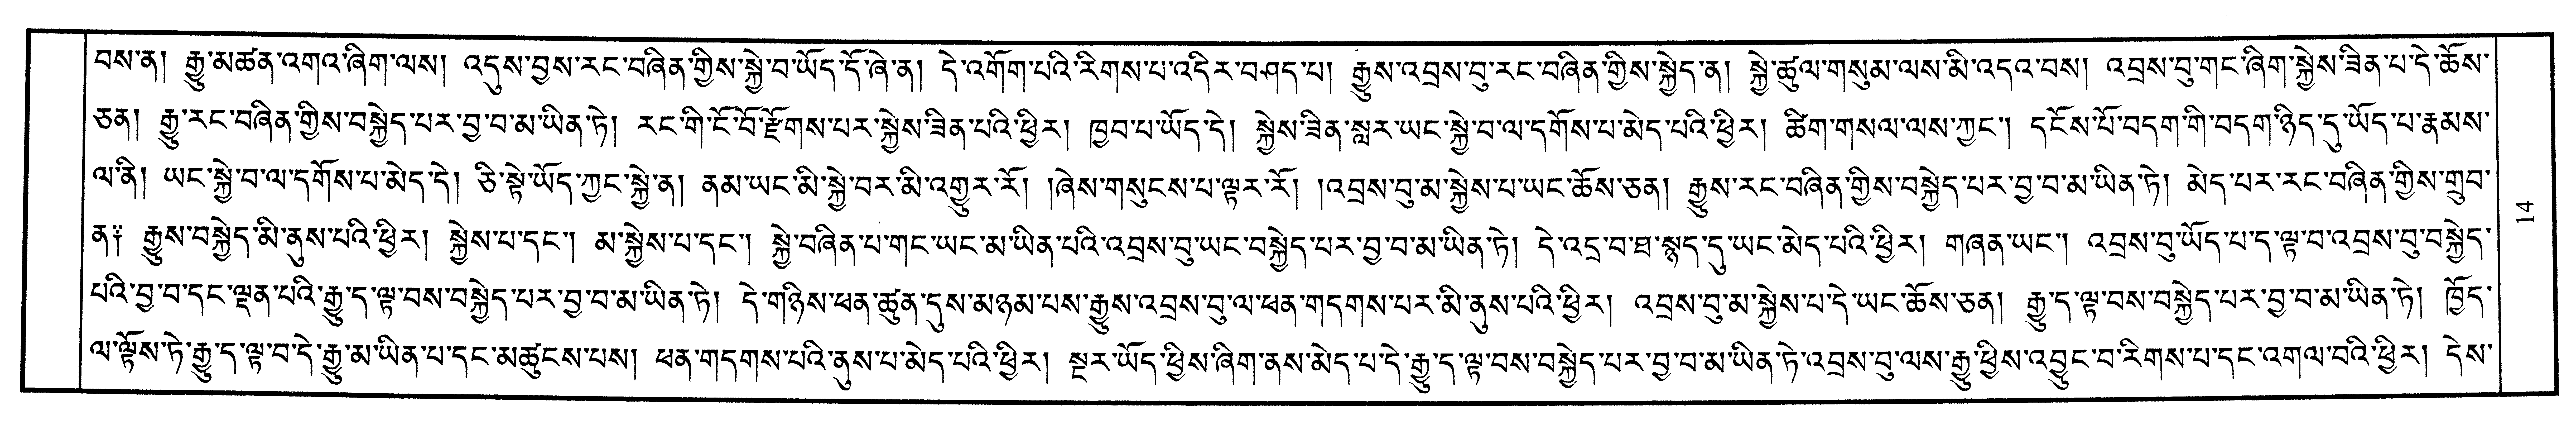བས་ན། རྒྱུ་མཚན་འགའ་ཞིག་ལས། འདུས་བྱས་རང་བཞིན་གྱིས་སྐྱེ་བ་ཡོད་དོ་ཞེ་ན། དེ་འགོག་པའི་རིགས་པ་འདིར་བཤད་པ། རྒྱུས་འབྲས་བུ་རང་བཞིན་གྱིས་སྐྱེད་ན། སྐྱེ་ཚུལ་གསུམ་ལས་མི་འདའ་བས། འབྲས་བུ་གང་ཞིག་སྐྱེས་ཟིན་པ་དེ་ཆོས་
ཅན། རྒྱུ་རང་བཞིན་གྱིས་བསྐྱེད་པར་བྱ་བ་མ་ཡིན་ཏེ། རང་གི་ངོ་བོ་རྫོགས་པར་སྐྱེས་ཟིན་པའི་ཕྱིར། ཁྱབ་པ་ཡོད་དེ། སྐྱེས་ཟིན་སླར་ཡང་སྐྱེ་བ་ལ་དགོས་པ་མེད་པའི་ཕྱིར། ཚིག་གསལ་ལས་ཀྱང་། དངོས་པོ་བདག་གི་བདག་ཉིད་དུ་ཡོད་པ་རྣམས་
ལ་ནི། ཡང་སྐྱེ་བ་ལ་དགོས་པ་མེད་དེ། ཅི་སྟེ་ཡོད་ཀྱང་སྐྱེ་ན། ནམ་ཡང་མི་སྐྱེ་བར་མི་འགྱུར་རོ། །ཞེས་གསུངས་པ་ལྟར་རོ། །འབྲས་བུ་མ་སྐྱེས་པ་ཡང་ཆོས་ཅན། རྒྱུས་རང་བཞིན་གྱིས་བསྐྱེད་པར་བྱ་བ་མ་ཡིན་ཏེ། མེད་པར་རང་བཞིན་གྱིས་གྲུབ་
ན༑ རྒྱུས་བསྐྱེད་མི་ནུས་པའི་ཕྱིར། སྐྱེས་པ་དང་། མ་སྐྱེས་པ་དང་། སྐྱེ་བཞིན་པ་གང་ཡང་མ་ཡིན་པའི་འབྲས་བུ་ཡང་བསྐྱེད་པར་བྱ་བ་མ་ཡིན་ཏེ། དེ་འདྲ་བ་ཐ་སྙད་དུ་ཡང་མེད་པའི་ཕྱིར། གཞན་ཡང་། འབྲས་བུ་ཡོད་པ་ད་ལྟ་བ་འབྲས་བུ་བསྐྱེད་
པའི་བྱ་བ་དང་ལྡན་པའི་རྒྱུ་ད་ལྟ་བས་བསྐྱེད་པར་བྱ་བ་མ་ཡིན་ཏེ། དེ་གཉིས་ཕན་ཚུན་དུས་མཉམ་པས་རྒྱུས་འབྲས་བུ་ལ་ཕན་གདགས་པར་མི་ནུས་པའི་ཕྱིར། འབྲས་བུ་མ་སྐྱེས་པ་དེ་ཡང་ཆོས་ཅན། རྒྱུ་ད་ལྟ་བས་བསྐྱེད་པར་བྱ་བ་མ་ཡིན་ཏེ། ཁྱོད་
ལ་ལྟོས་ཏེ་རྒྱུ་ད་ལྟ་བ་དེ་རྒྱུ་མ་ཡིན་པ་དང་མཚུངས་པས། ཕན་གདགས་པའི་ནུས་པ་མེད་པའི་ཕྱིར། སྔར་ཡོད་ཕྱིས་ཞིག་ནས་མེད་པ་དེ་རྒྱུ་ད་ལྟ་བས་བསྐྱེད་པར་བྱ་བ་མ་ཡིན་ཏེ་འབྲས་བུ་ལས་རྒྱུ་ཕྱིས་འབྱུང་བ་རིགས་པ་དང་འགལ་བའི་ཕྱིར། དེས་